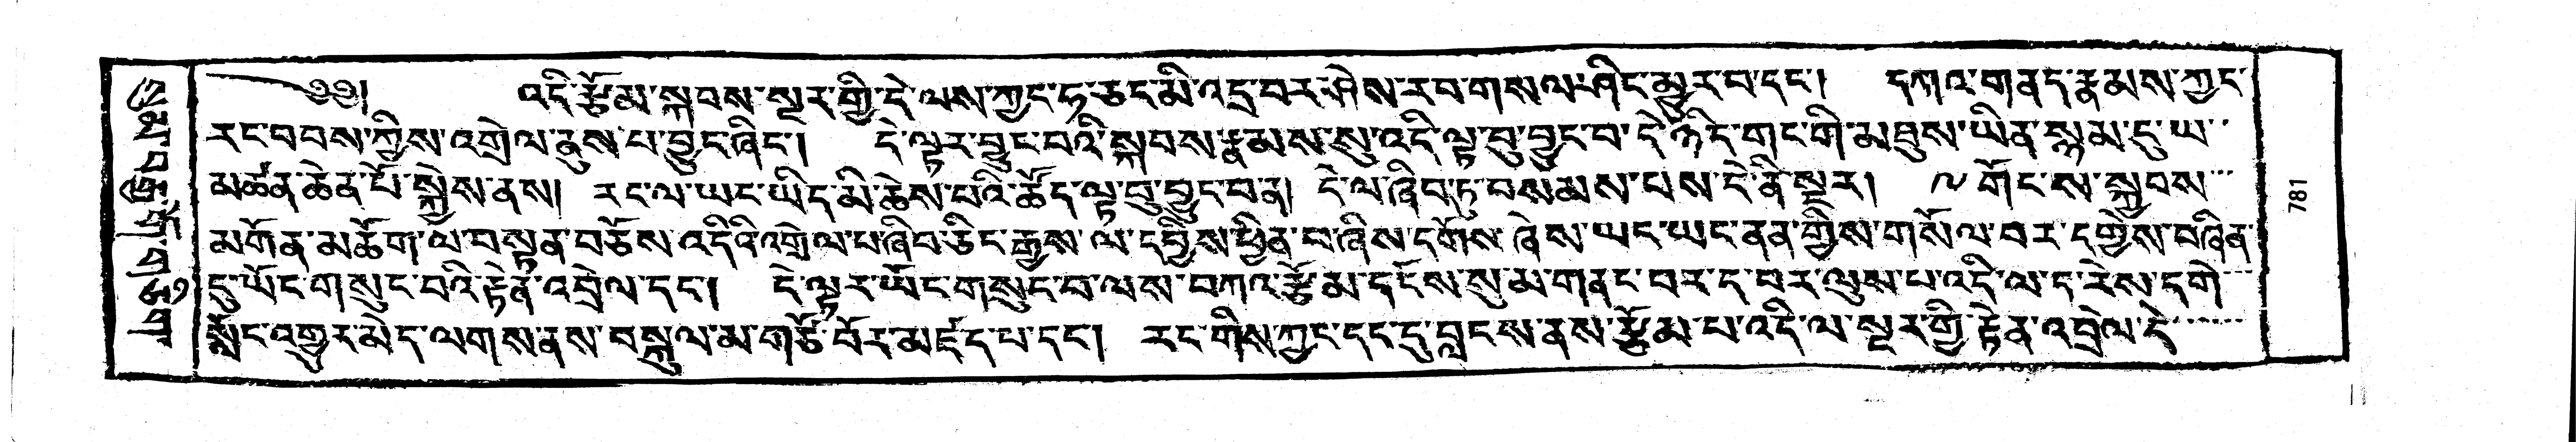༄༅། །འདི་རྩོམ་སྐབས་སྔར་གྱི་དེ་ལས་ཀྱང་ཧ་ཅང་མི་འདྲ་བར་ཤེས་རབ་གསལ་ཤིང་མྱུར་བ་དང་། དཀའ་གནད་རྣམས་ཀྱང་
རང་བབས་ཀྱིས་འགྲེལ་ནུས་པ་བྱུང་ཞིང་། དེ་ལྟར་བྱུང་བའི་སྐབས་རྣམས་སུ་འདི་ལྟ་བུ་བྱུང་བ་དེ་ཉིད་གང་གི་མཐུས་ཡིན་སྙམ་དུ་ཡ་
མཚན་ཆེན་པོ་སྐྱེས་ནས། རང་ལ་ཡང་ཡིད་མི་ཆེས་པའི་ཚོད་ལྟ་བུ་བྱུང་བ་ན། དེ་ལ་ཞིབ་ཏུ་བསམས་པས་དེ་ནི་སྔར། ༧་གོང་ས་སྐྱབས་
མགོན་མཆོག་ལ་བསྟན་བཅོས་འདིའི་འགྲེལ་པ་ཞིབ་ཅིང་རྒྱས་ལ་དབྱིས་ཕྱིན་བ་ཞིས་དགོས་ཞེས་ཡང་ཡང་ནན་གྱིས་གསོལ་བར་དགྱེས་བཞིན་
དུ་ཡོང་གསུང་བའི་རྟེན་འབྲེལ་དང་། དེ་ལྟར་ཡོང་གསུང་བ་ལས་བཀའ་རྩོམ་དངོས་སུ་མ་གནང་བར་ད་བར་ལུས་པ་འདི་ལ་ད་རེས་དགེ་
སློང་འགྱུར་མེད་ལགས་ནས་བསྐུལ་མ་གཙོ་བོར་མཛད་པ་དང་། རང་གིས་ཀྱང་དང་དུ་བླངས་ནས་རྩོམ་པ་འདི་ལ་སྔར་གྱི་རྟེན་འབྲེལ་དེ་